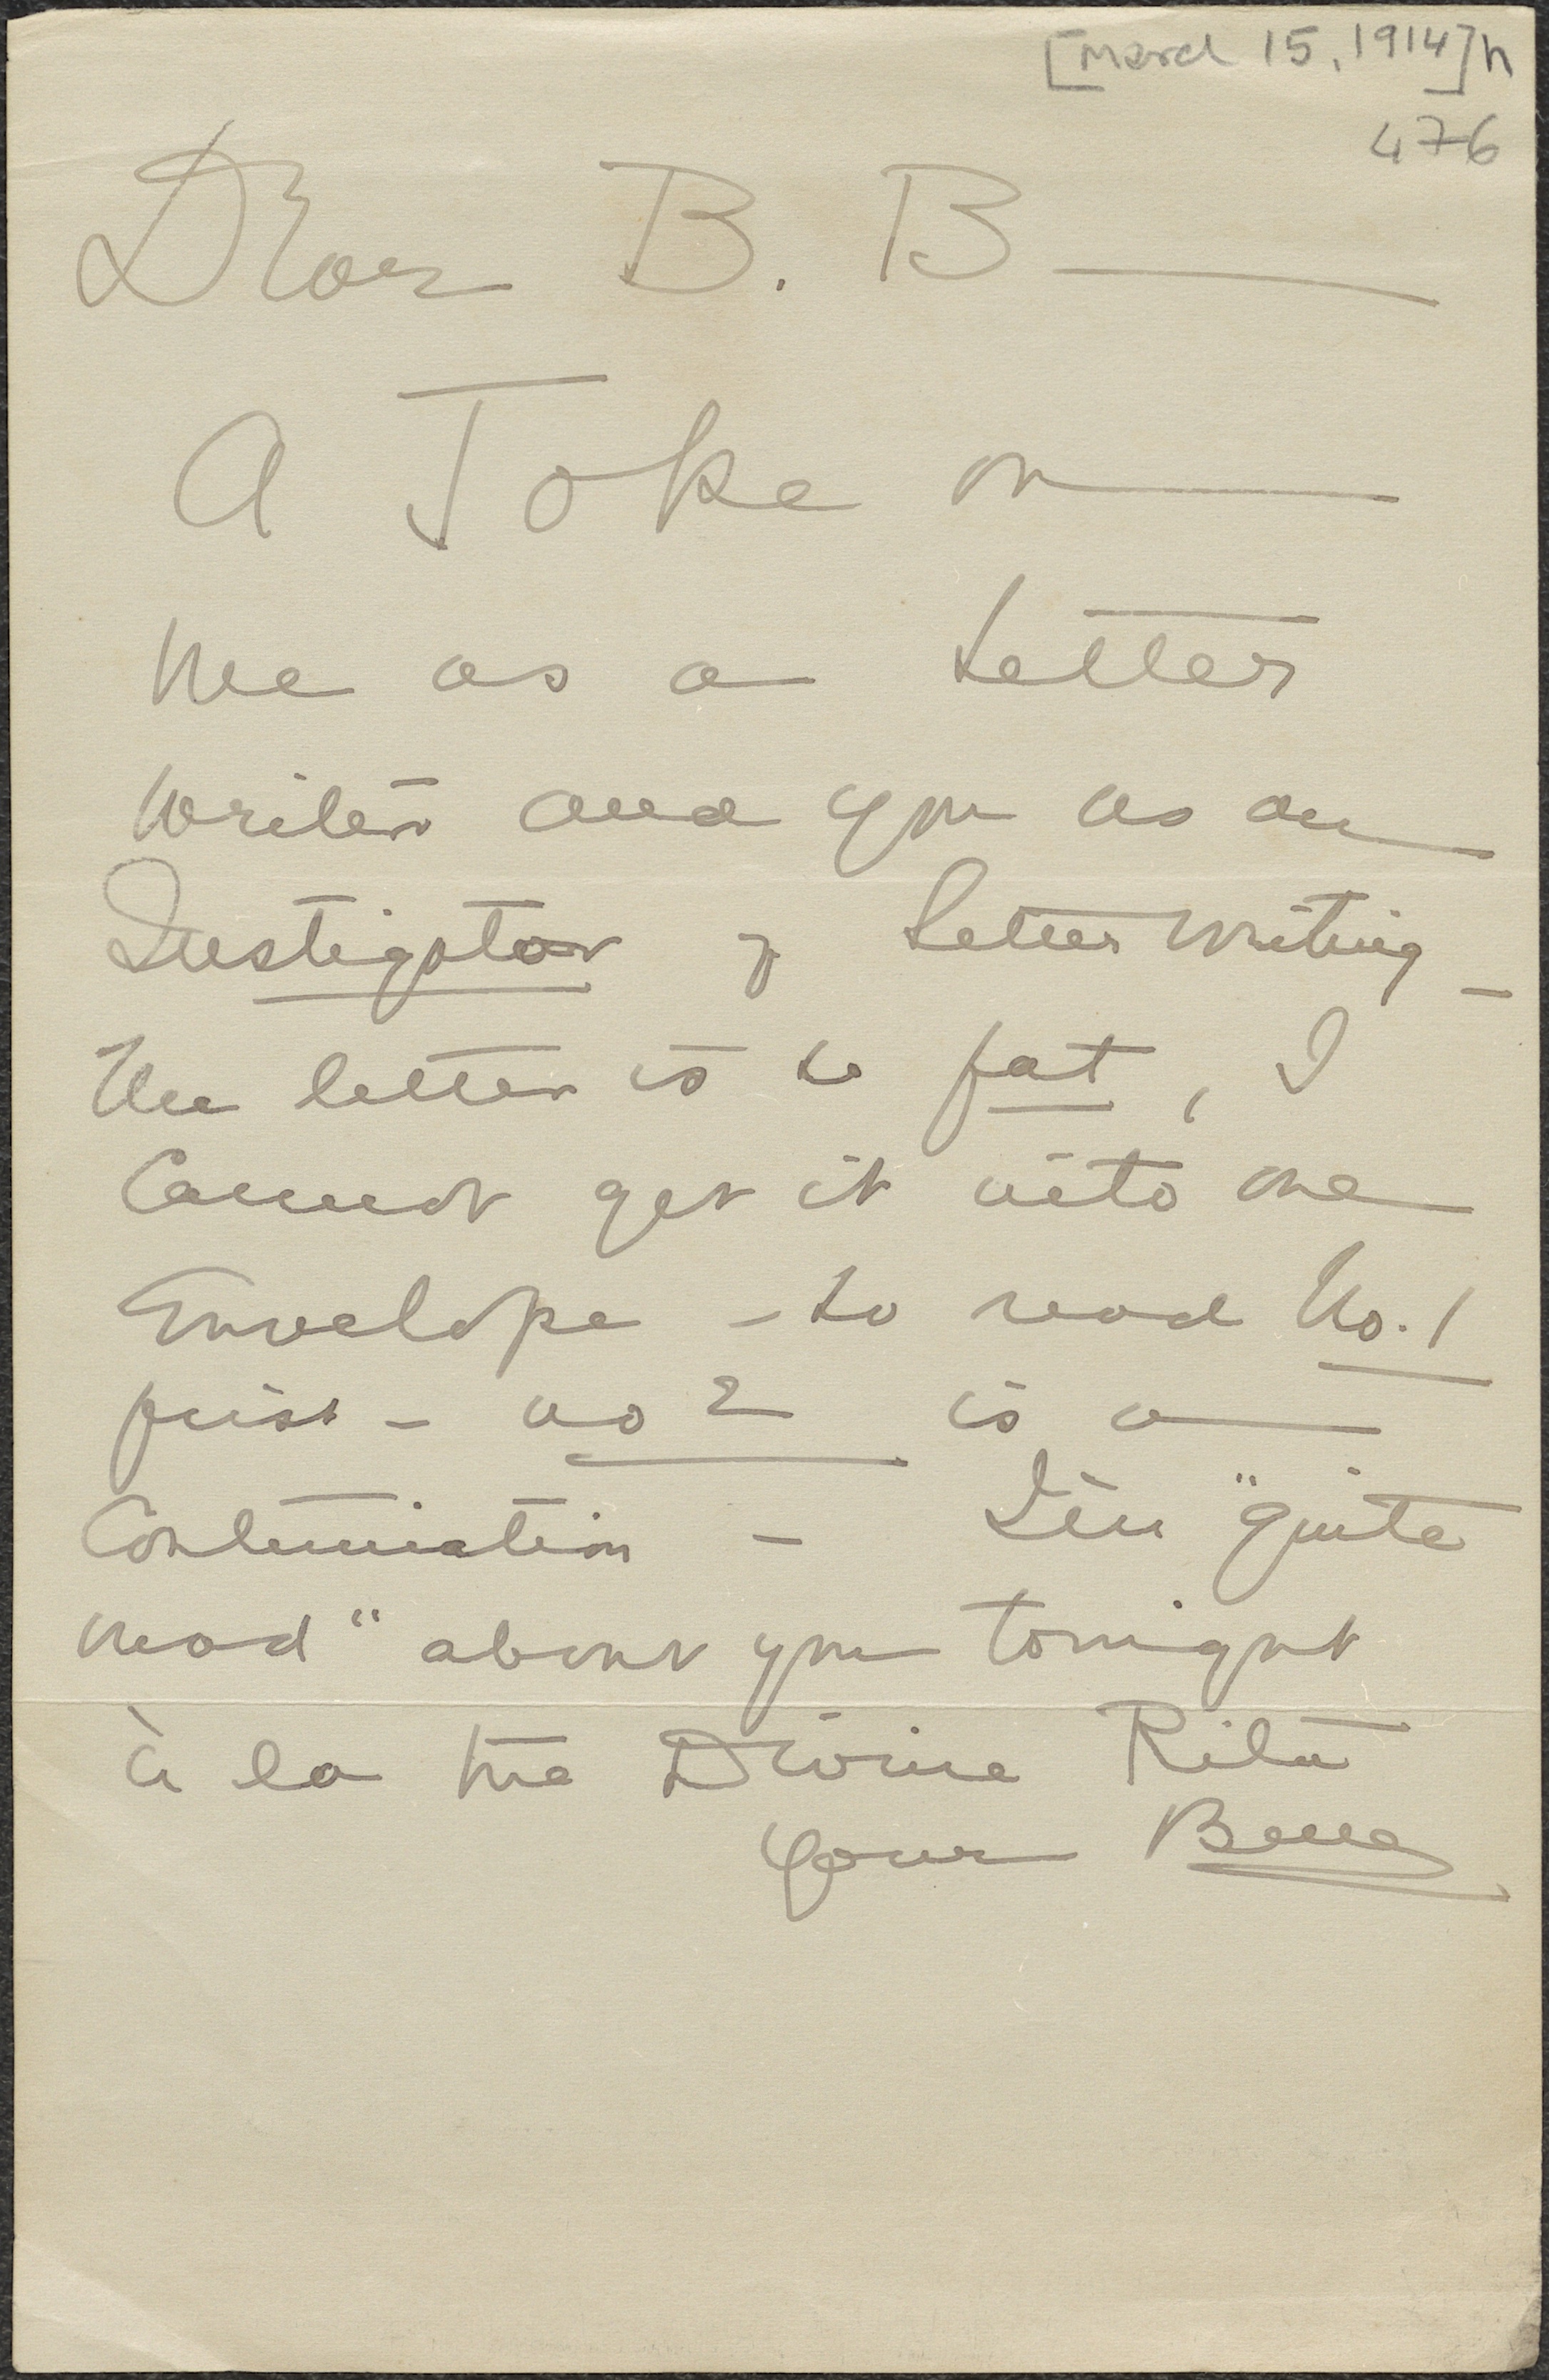Dear B. B –
A Joke on me as a letter writer and you as an Instigator of letter writing – the letter is so fat, I cannot get it into one envelope – so read No. 1 first – no 2 is a continuation – I’m “quite mad” about you tonight à la the Divine Rita
Your Belle